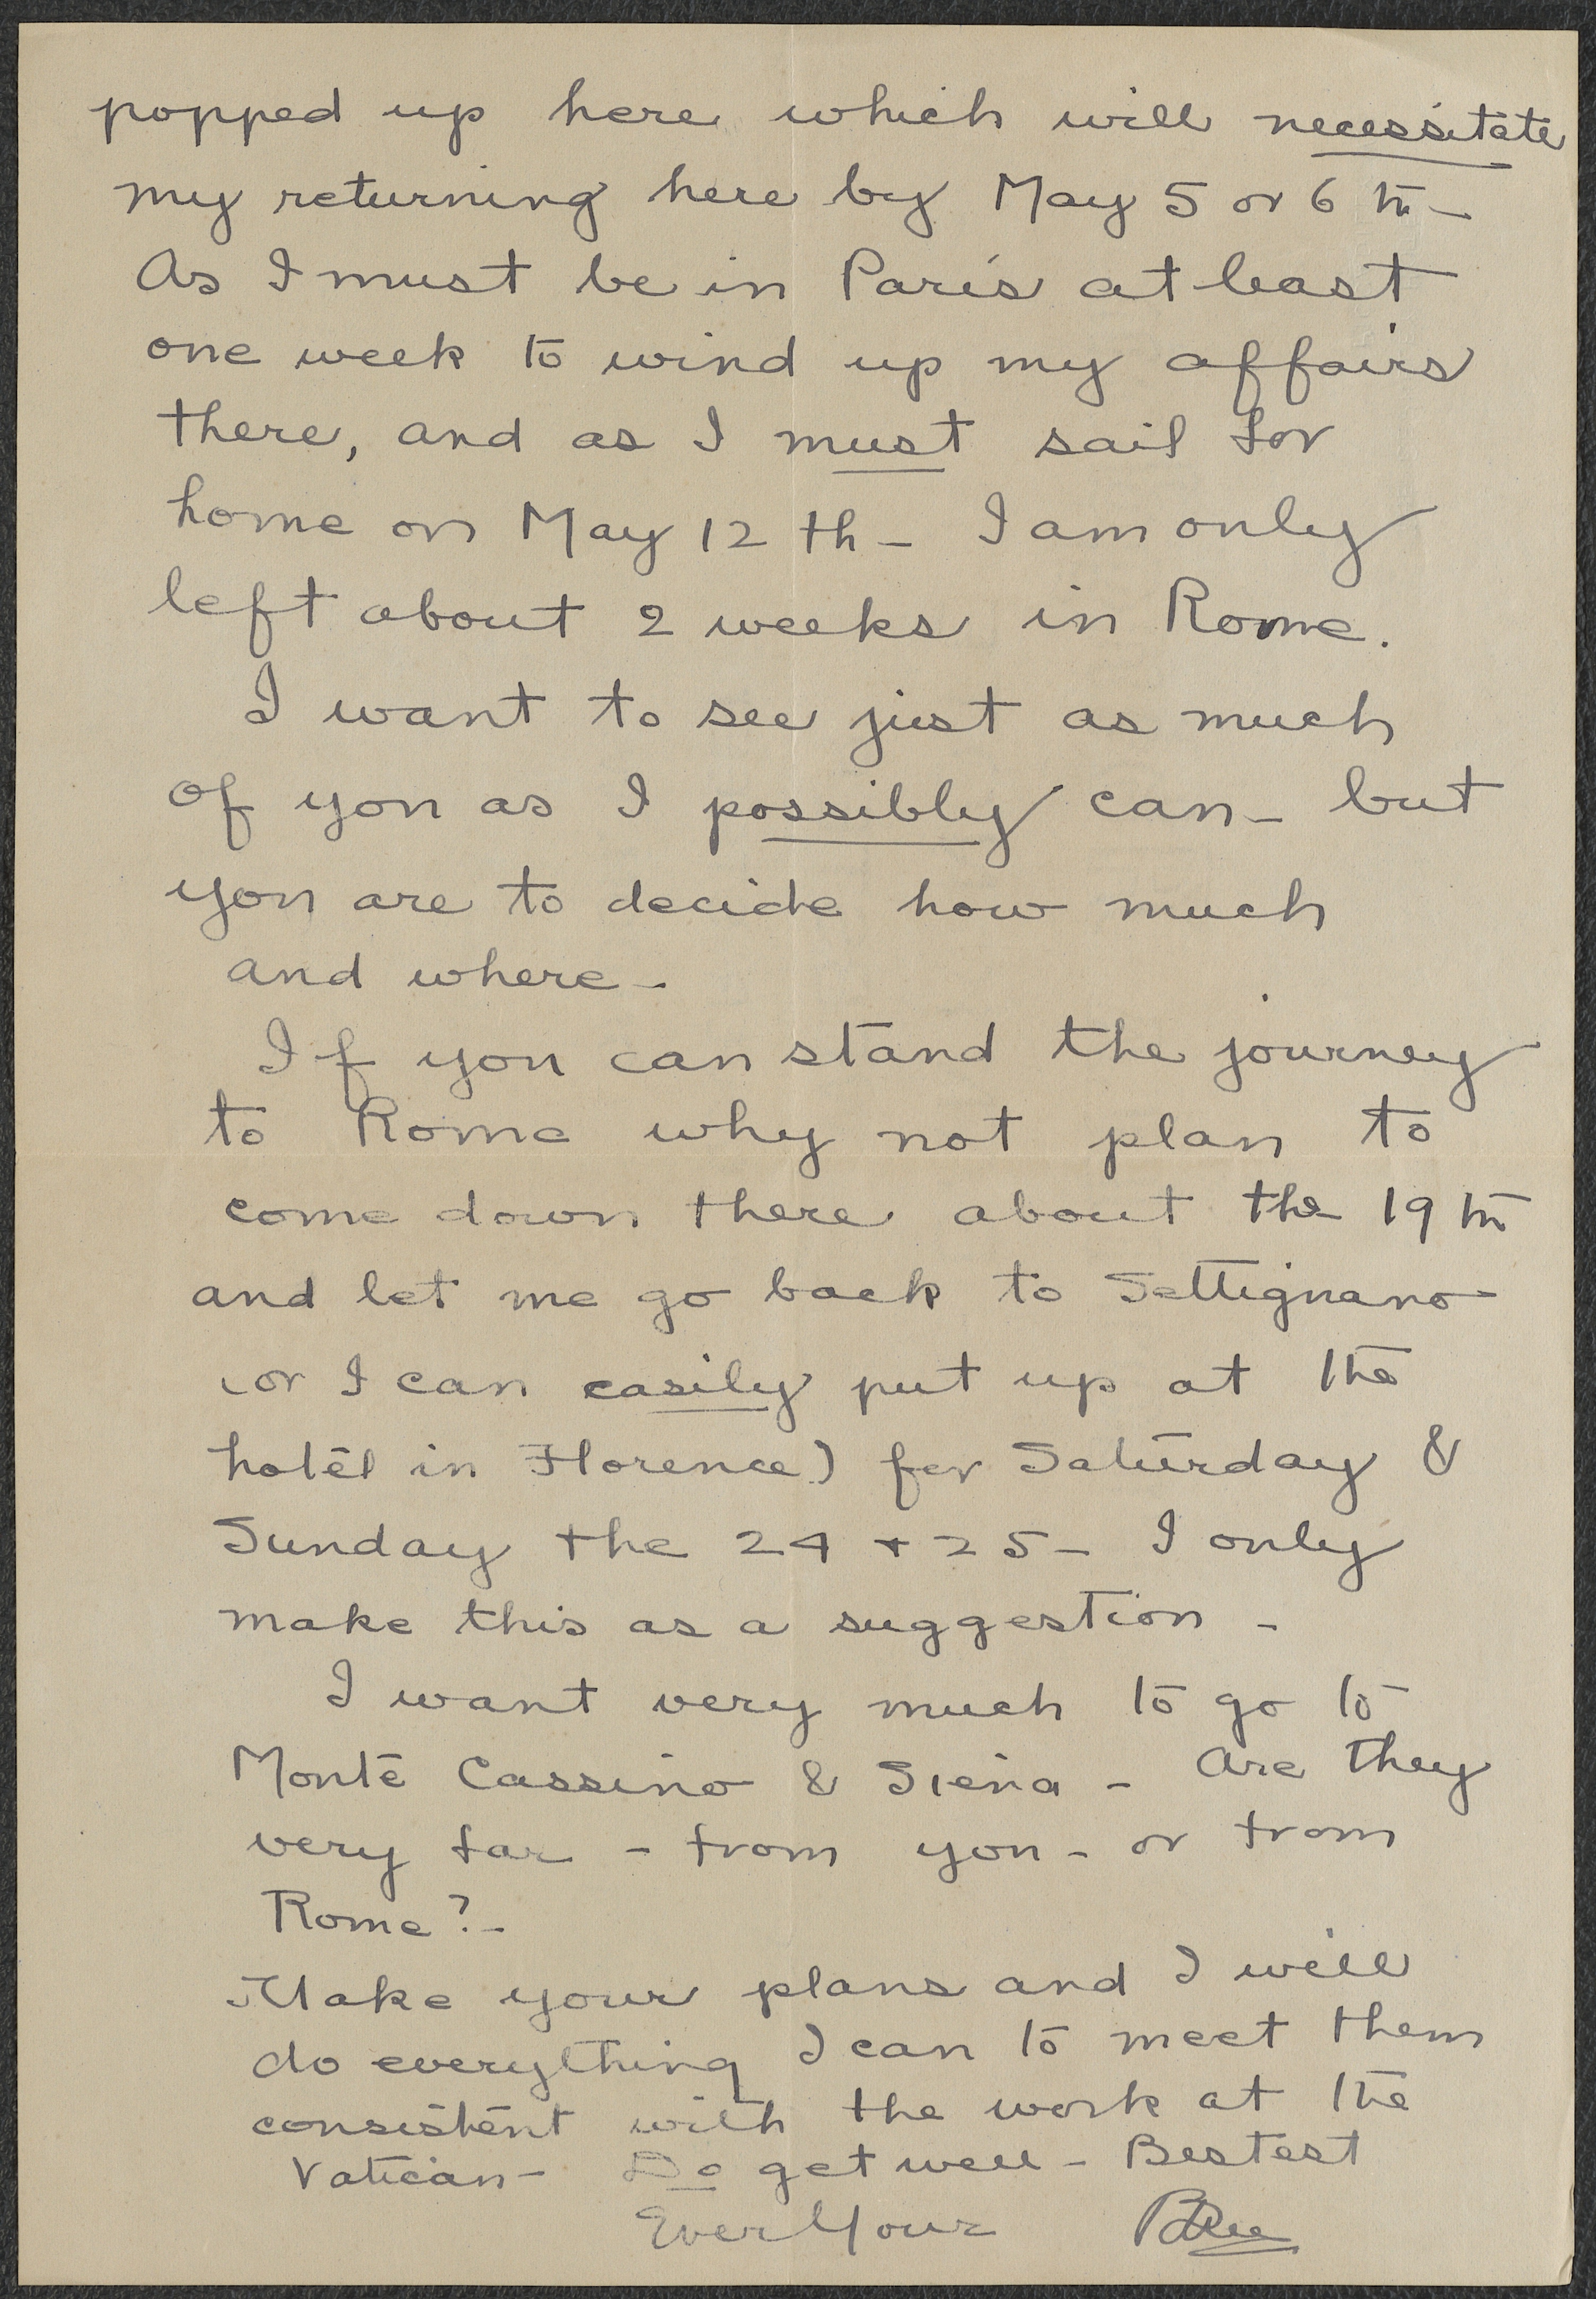popped up here which will necessitate my returning here by May 5 or 6th –
As I must be in Paris at least one week to wind up my affairs there, and as I must sail for home on May 12th – I am only left about 2 weeks in Rome.
I want to see just as much of you as I possibly can – but you are to decide how much and where.
If you can stand the journey to Rome why not plan to come down there about the 19th and let me go back to Settignano (or I can easily put up at the hotêl in Florence) for Saturday & Sunday the 24 & 25 – I only make this as a suggestion –
I want very much to go to Monte Cassino & Siena – Are they very far – from you – or from Rome? –
Make your plans and I will do everything I can to meet them consistent with the work at the Vatican – Do get well – Bestest
Ever Your
Belle